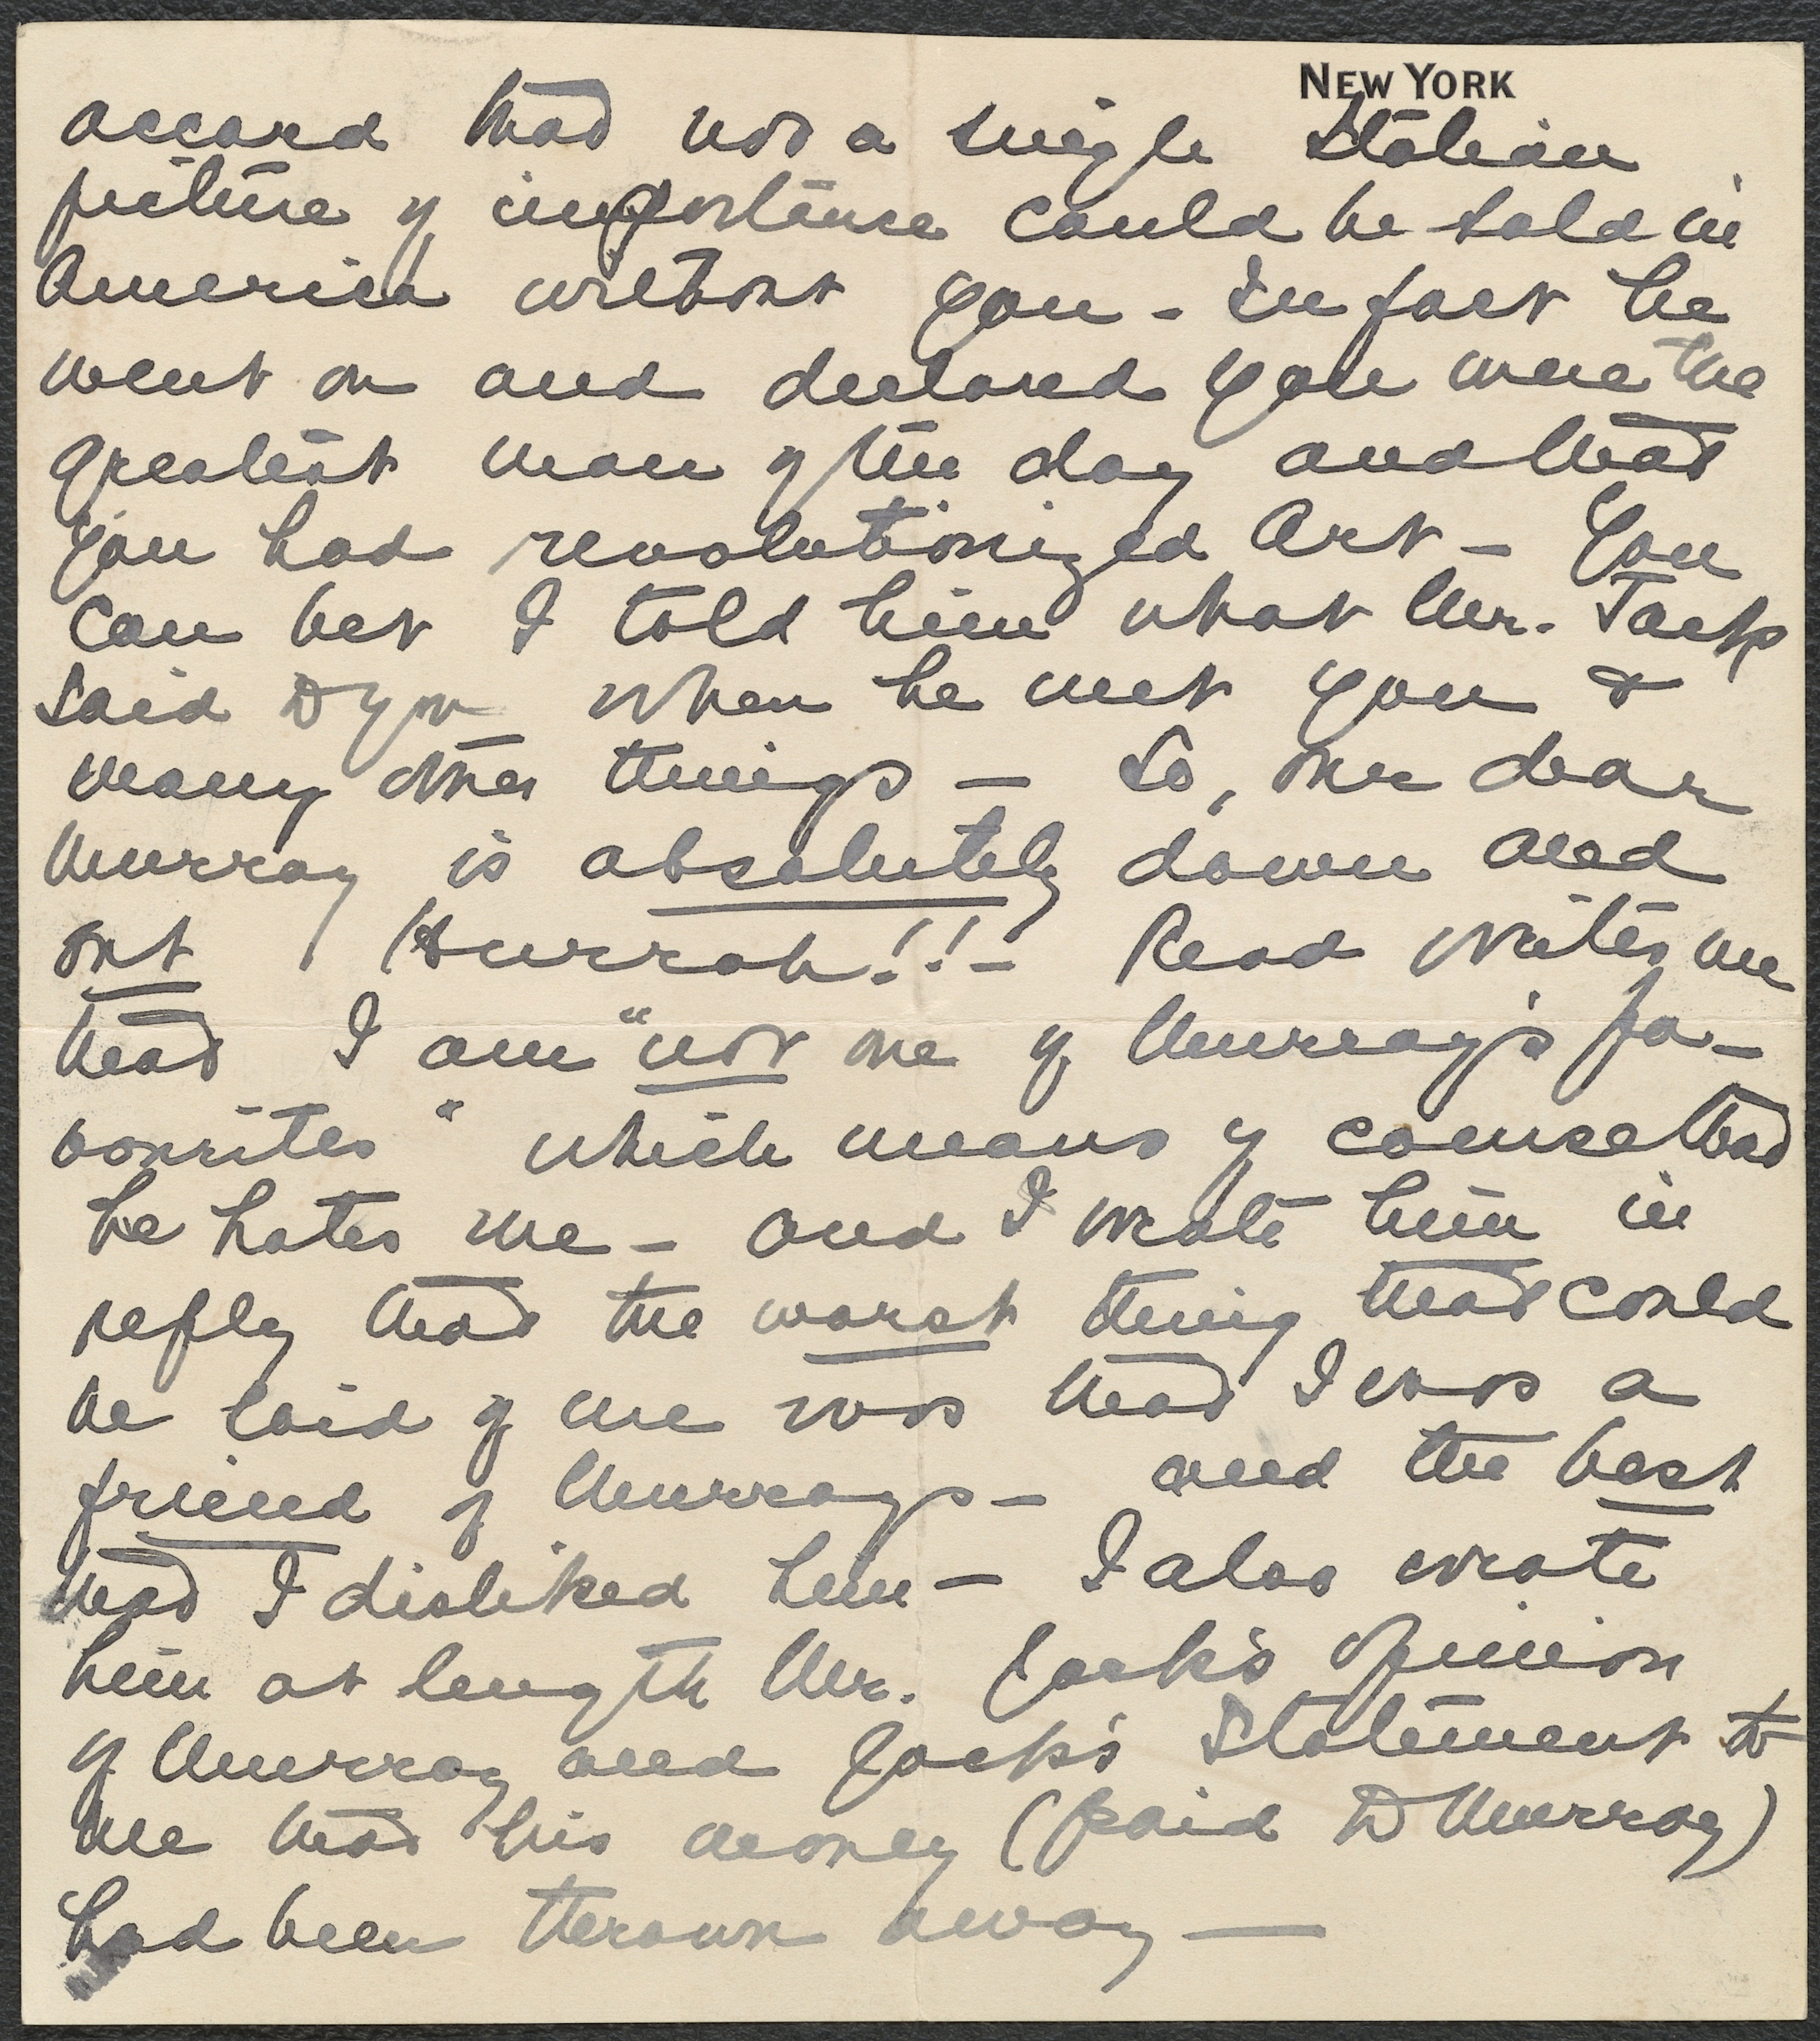accord that not a single Italian picture of importance could be sold in America without you – In
fact he went on and declared you were the greatest man of the day and that you had revolutionized Art – You can bet I told him what Mr. Jack said to you when he met you & many other things – So, our dear Murray is absolutely down and out! Hurrah!! – Read writes me that I am “not one of Murray's favorites” which means of course that he hates me – And I wrote him in reply that the worst thing that could be said of me was that I was a friend of Murrays – and the best that I disliked him – I also wrote him at length Mr. Jack’s opinion of Murray and Jack’s statement to me that this money (paid to Murray) had been thrown away –